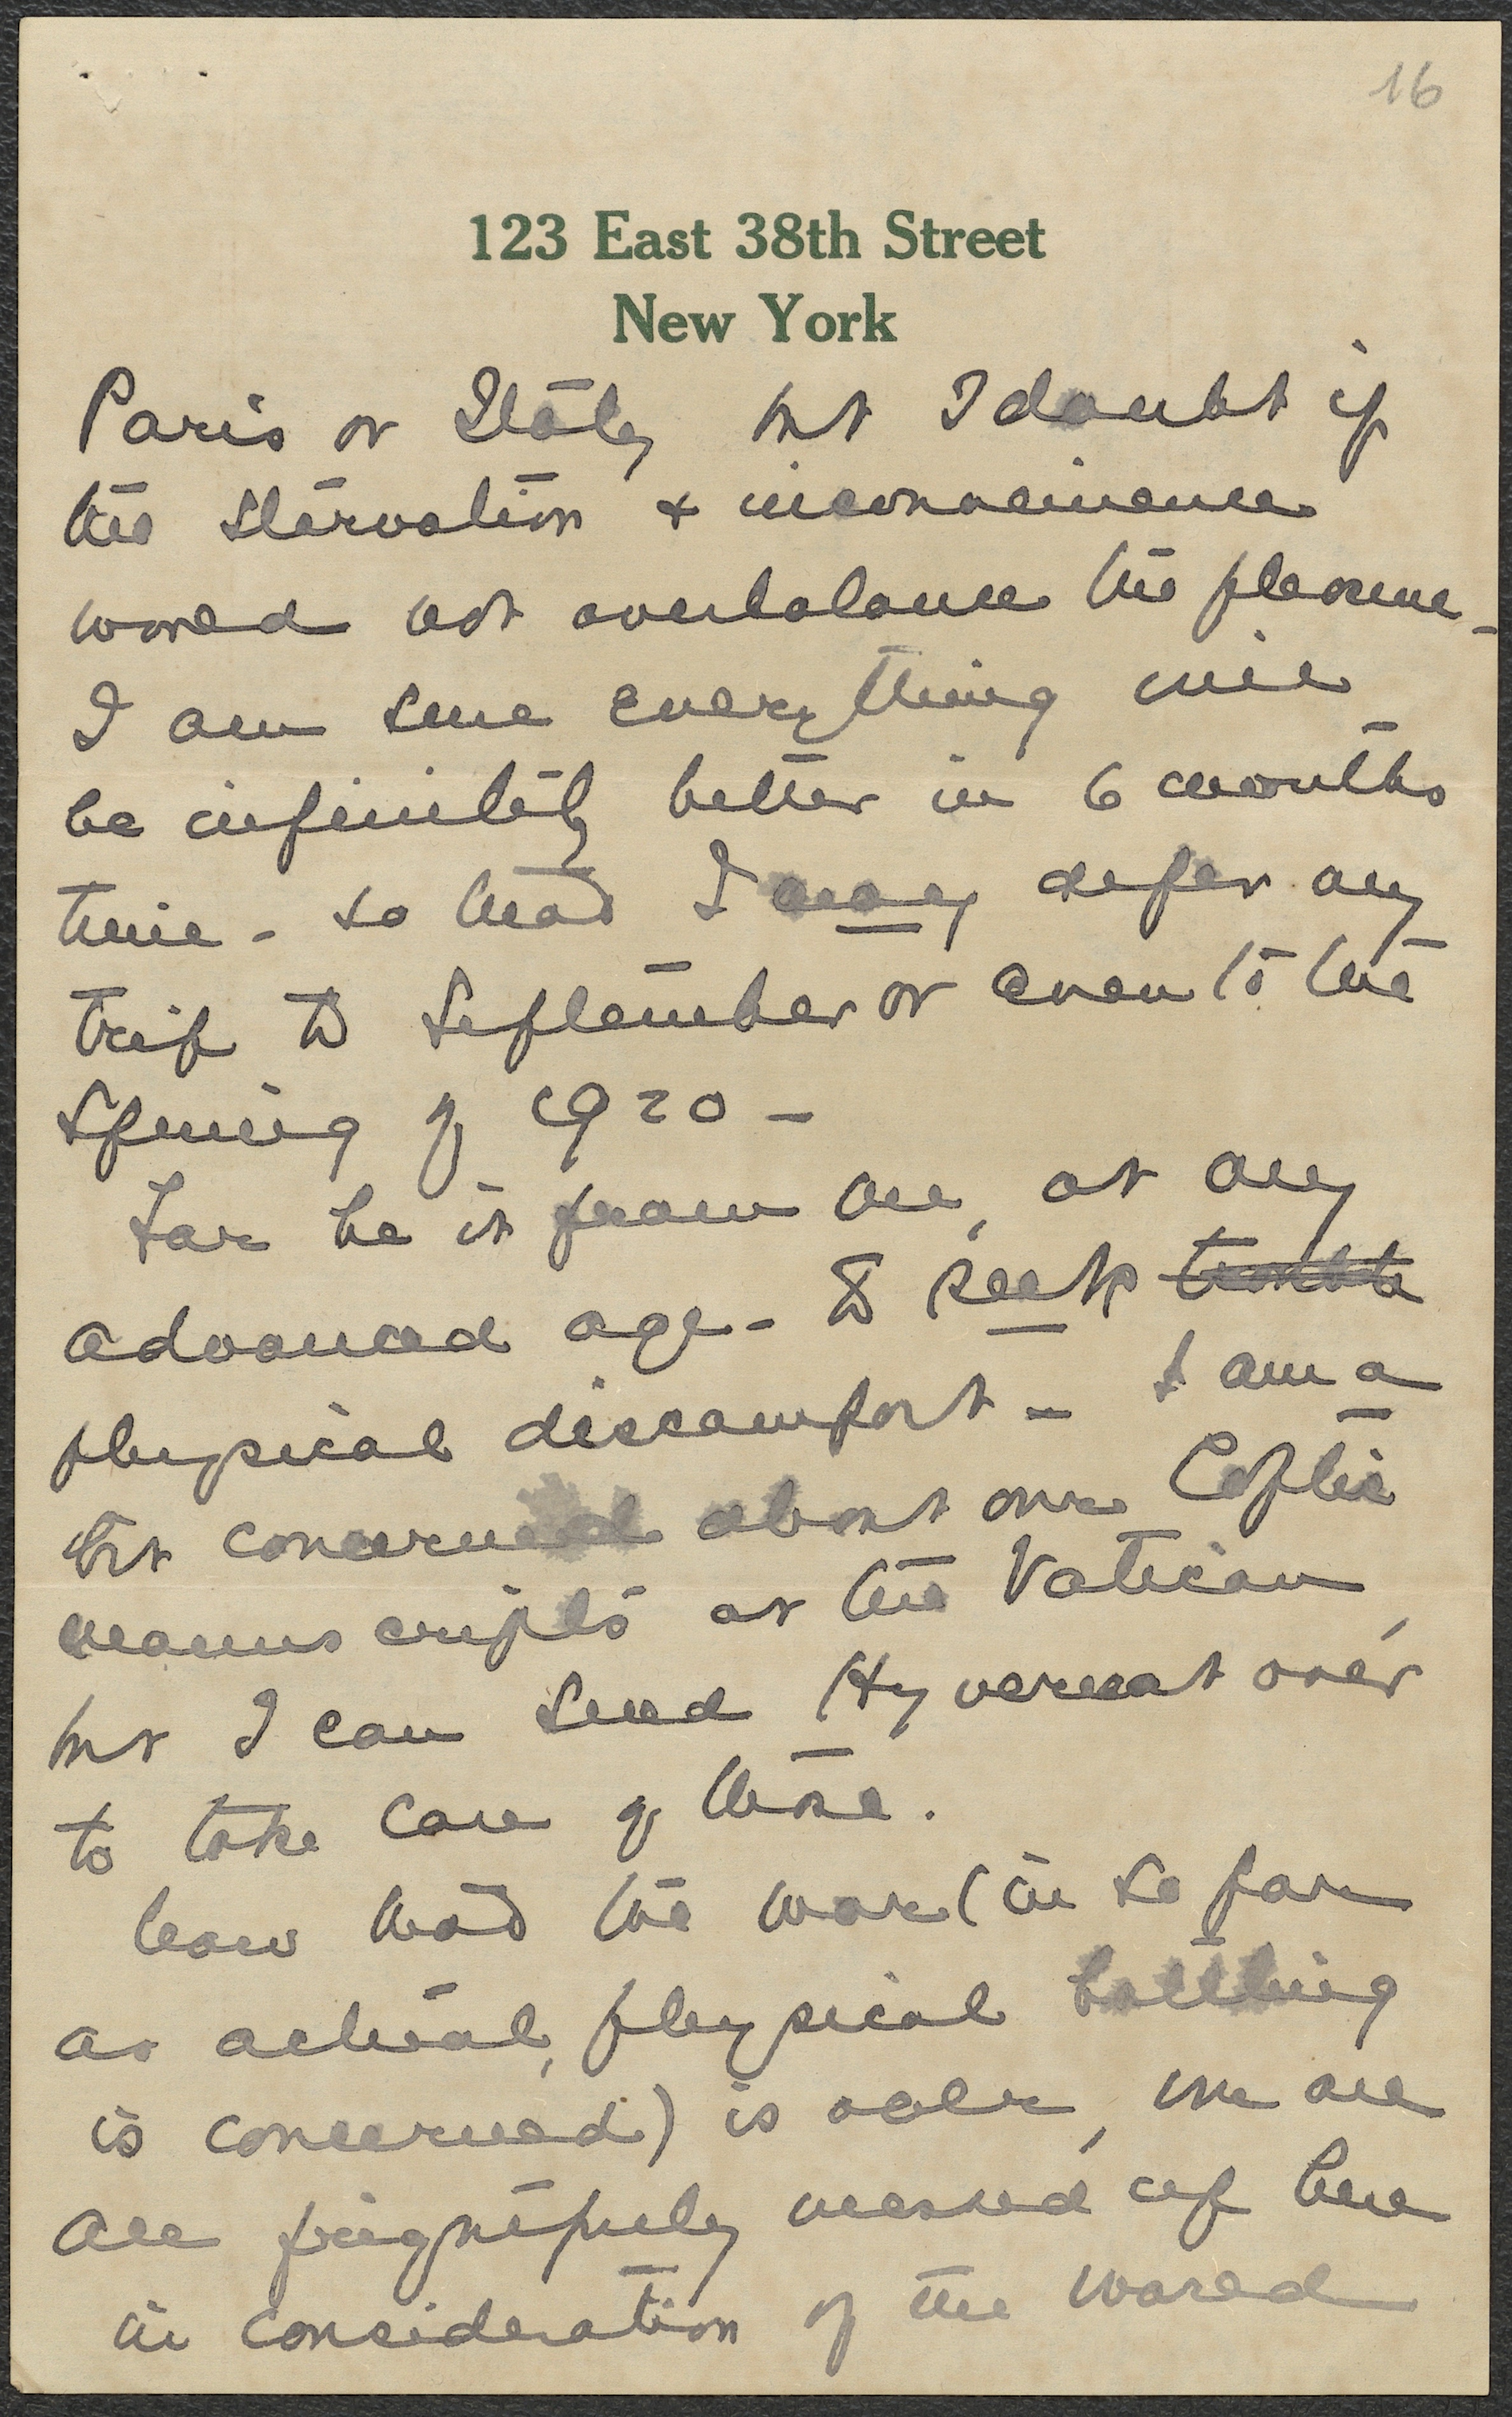Paris or Italy but I doubt if the starvation and inconvenience would not overbalance the pleasure – I am sure everything will be infinitely better in 6 months time – so that I may defer my trip to September or even to the Spring of 1920 –
Far be it from me, at my advanced age – to seek trouble physical discomfort – I am a bit concerned about our Coptic manuscripts at the Vatican but I can send Hyvernat over to take care of those.
Now that the war (in so far as actual, physical battling is concerned) is over, we are frightfully messed up here in consideration of the world